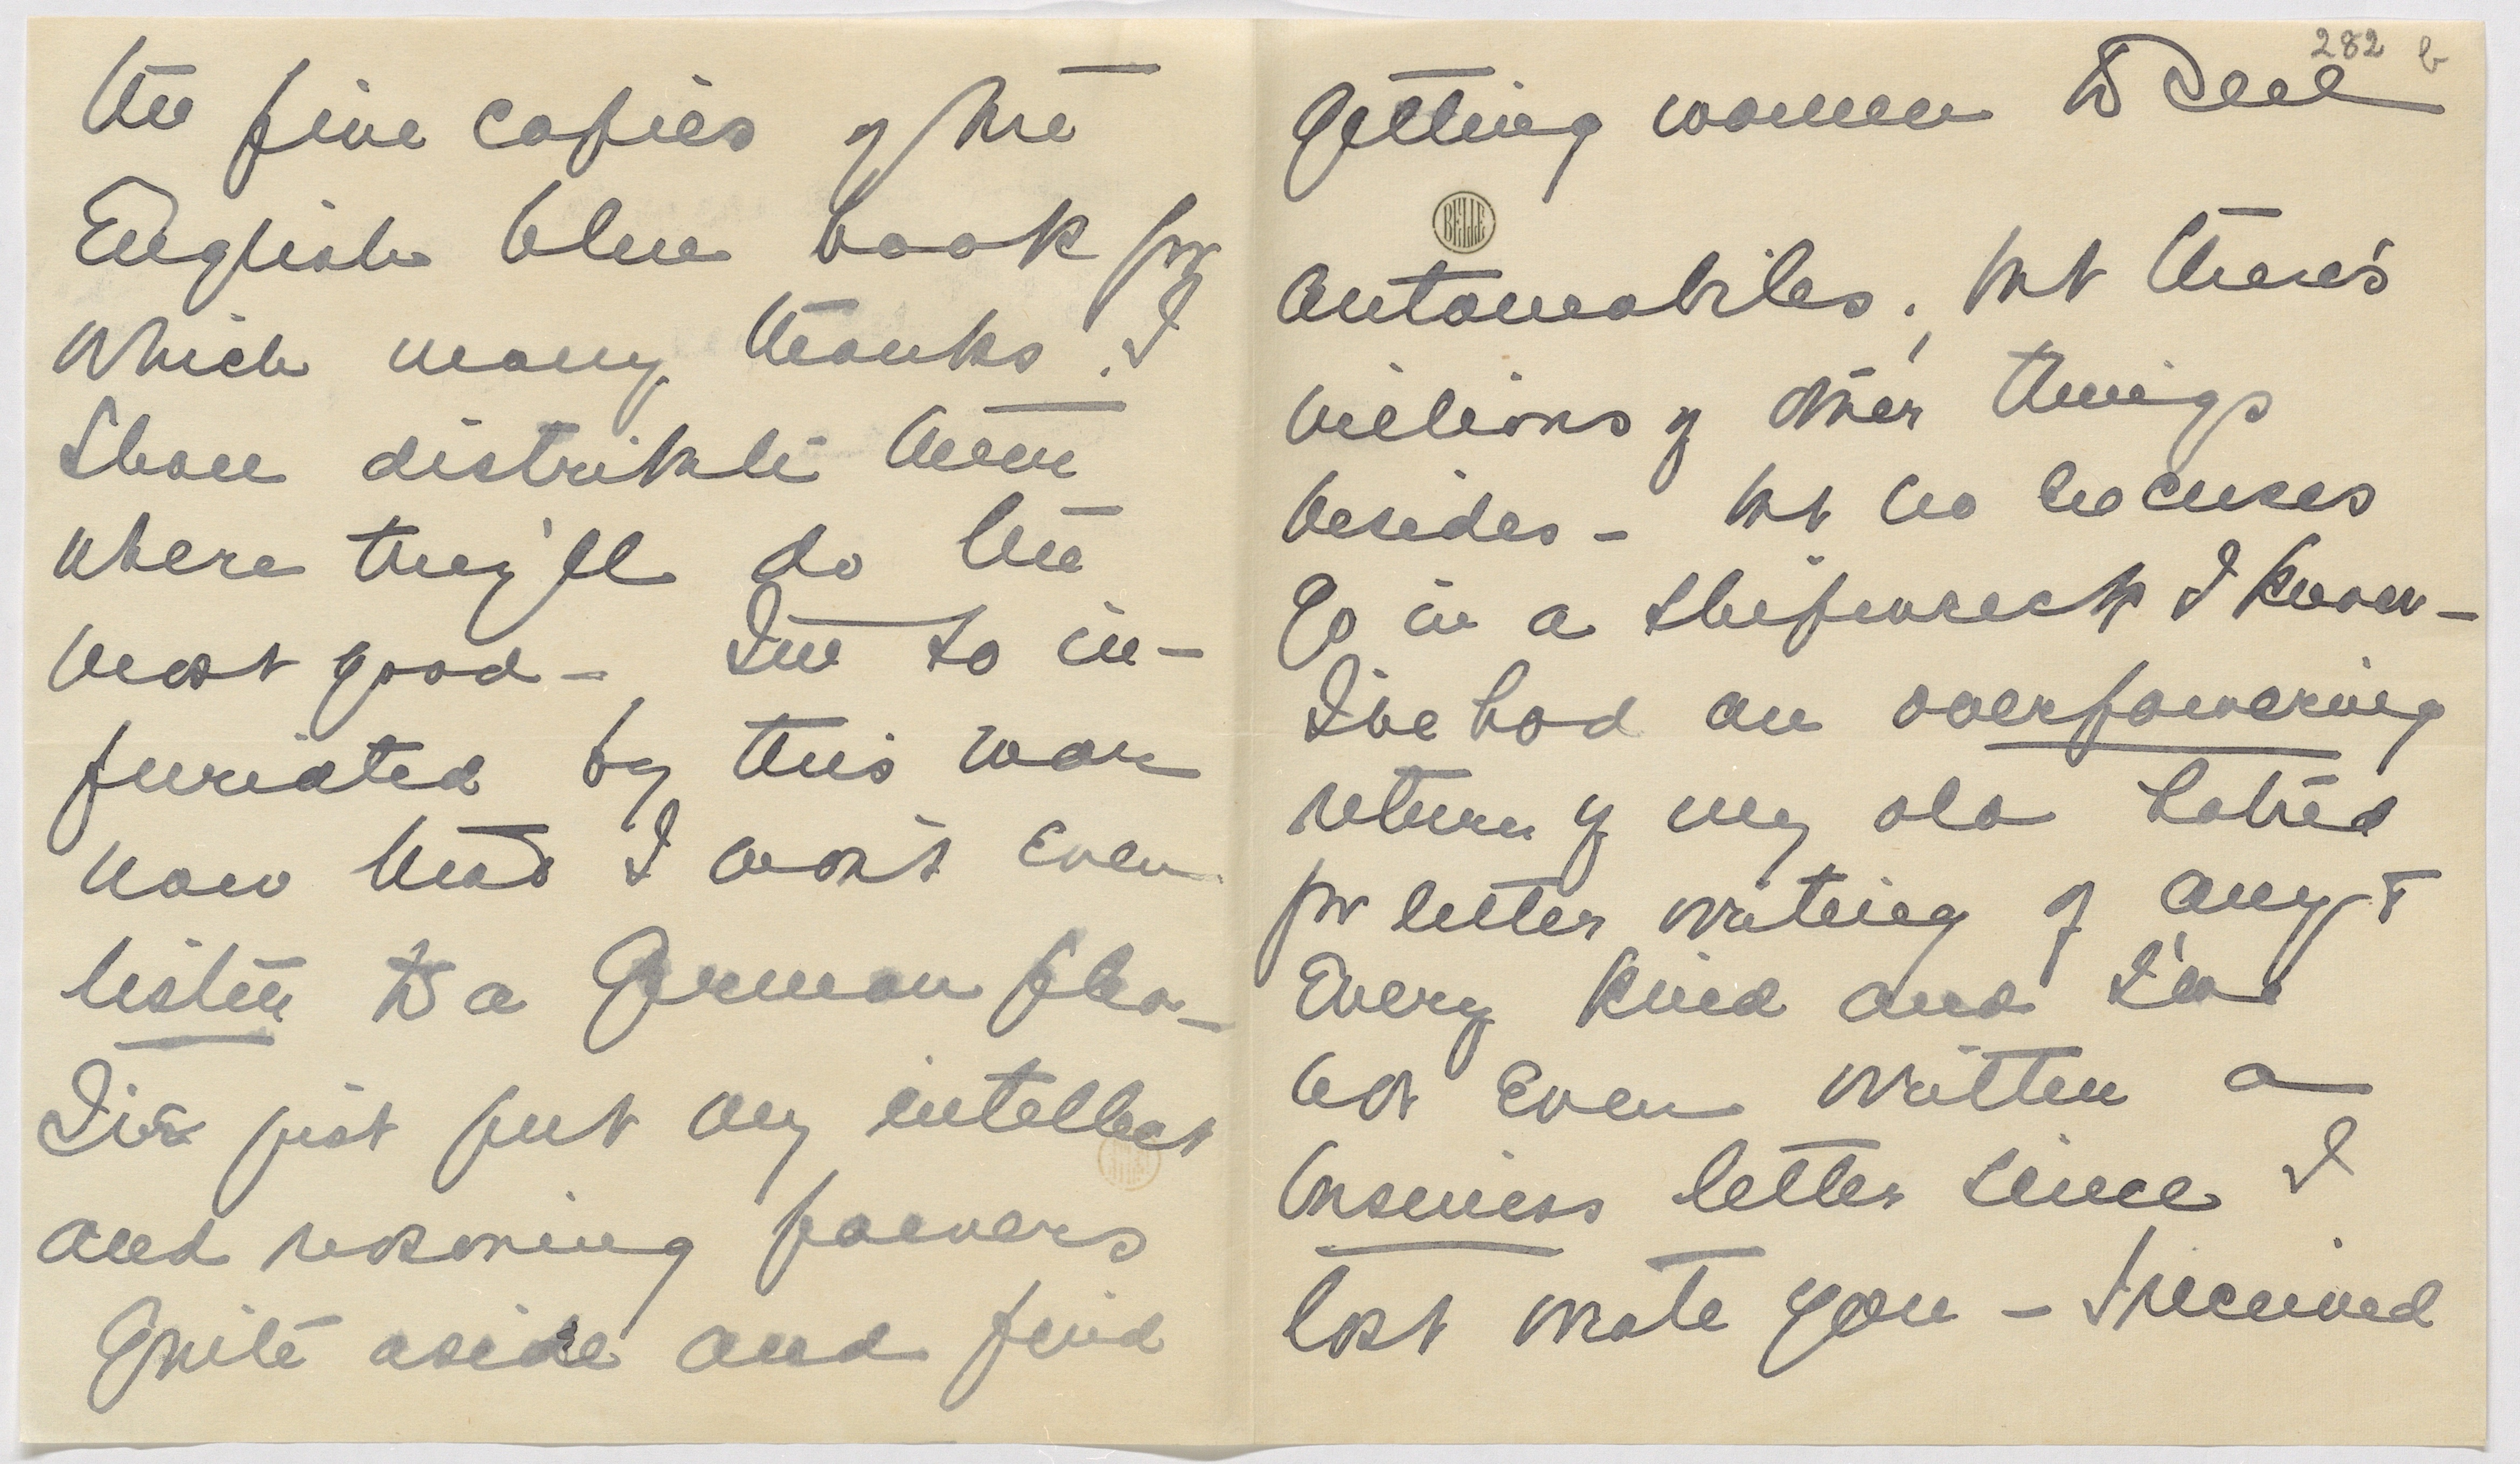getting women to sell automobiles; but there’s millions of other things besides – but no excuses go in a shipwreck I know – I’ve had an overpowering return of my old hatred for letter writing of any & every kind and I’ve not even written a business letter since I last wrote you – I received
the five copies of the English blue book for which many thanks. I shall distribute them where they’ll do the most good – I’m so infuriated by this war now that I won’t even listen to a German plea – I've just put my intellect and reasoning powers quite aside and find